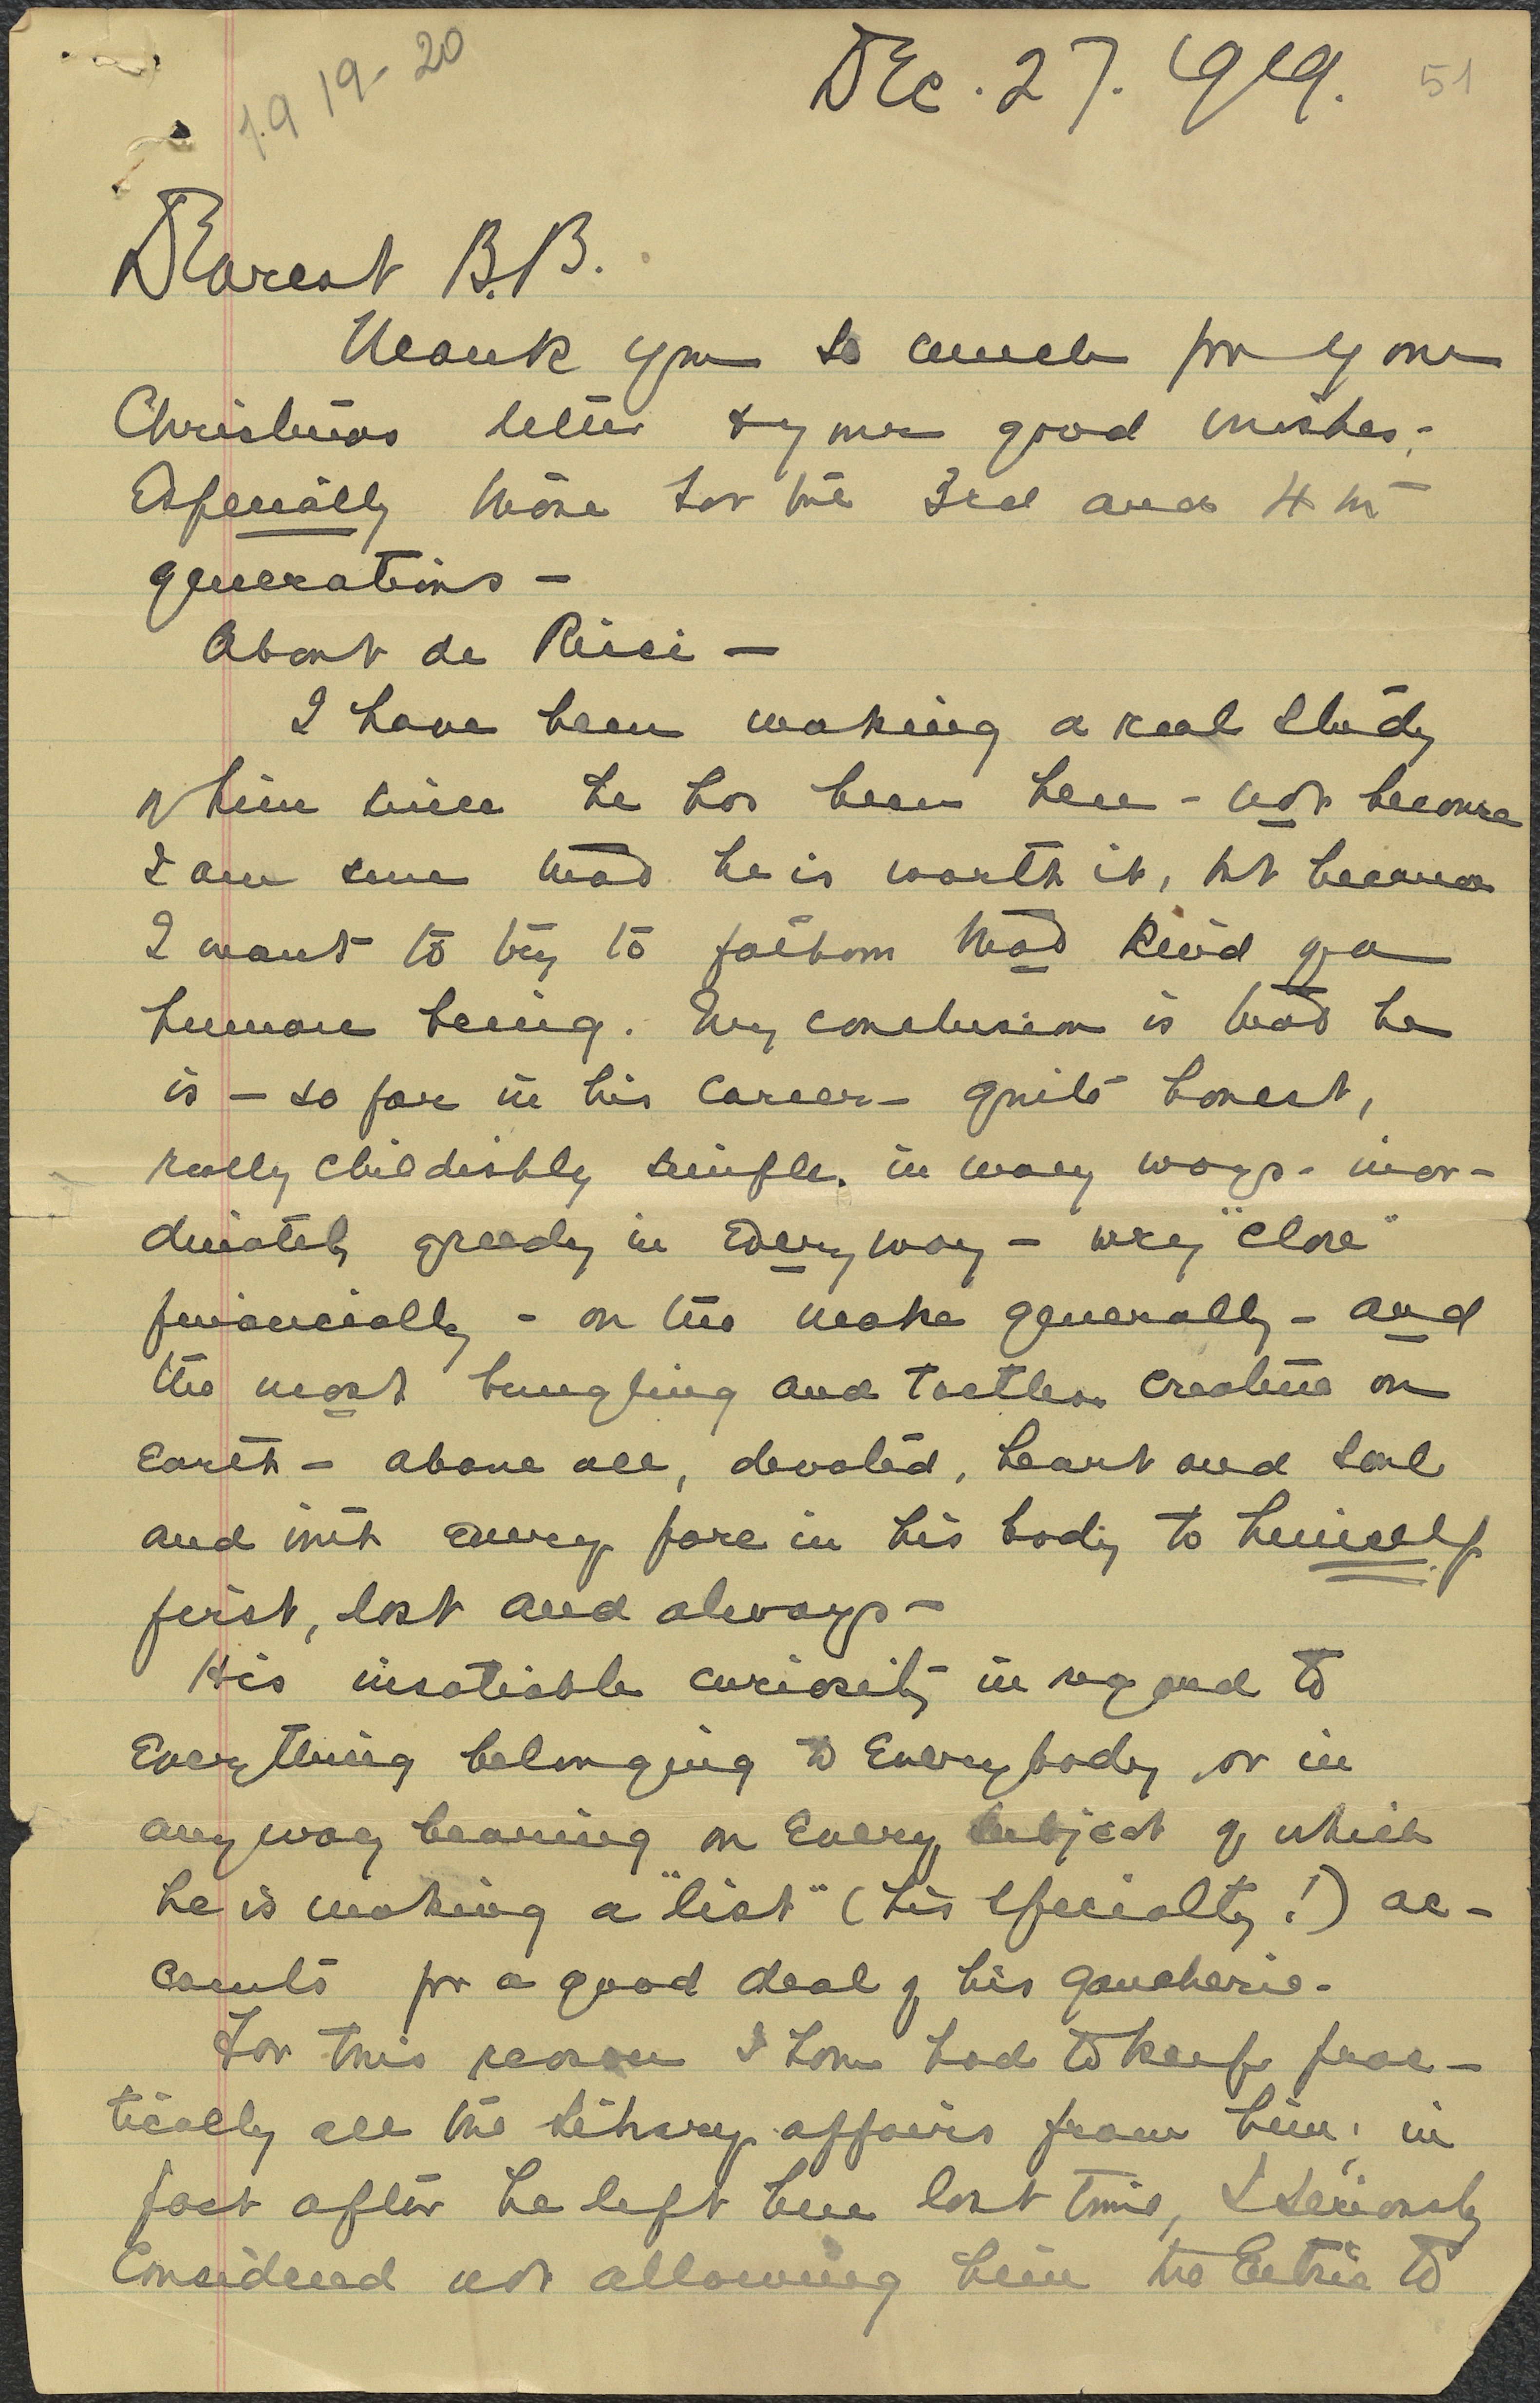Dec. 27. 1919.
Dearest B.B.
Thank you so much for your Christmas letter & your good wishes – Especially those for the 3rd and 4th generations –
About de Ricci –
I have been making a real study of him since he has been here – not because I am sure that he is worth it, but because I want to try to fathom that kind of a human being. My conclusion is that he is – so far in his career – quite honest, really childishly simple in many ways, inordinately greedy in every way – very "close" financially – on the make generally – and the most bungling and tactless creature on Earth – above all, devoted, heart and soul and with every pore in his body to [underlined twice: himself] first, last and always –
His insatiable curiosity in regard to everything belonging to everybody in or in any way bearing on every subject of which he is making a "list" (his specialty!) accounts for a good deal of his gaucherie.
For this reason I have had to keep practically all the Library affairs from him, in fact after he left here last time, I seriously considered not allowing him the Entrie to